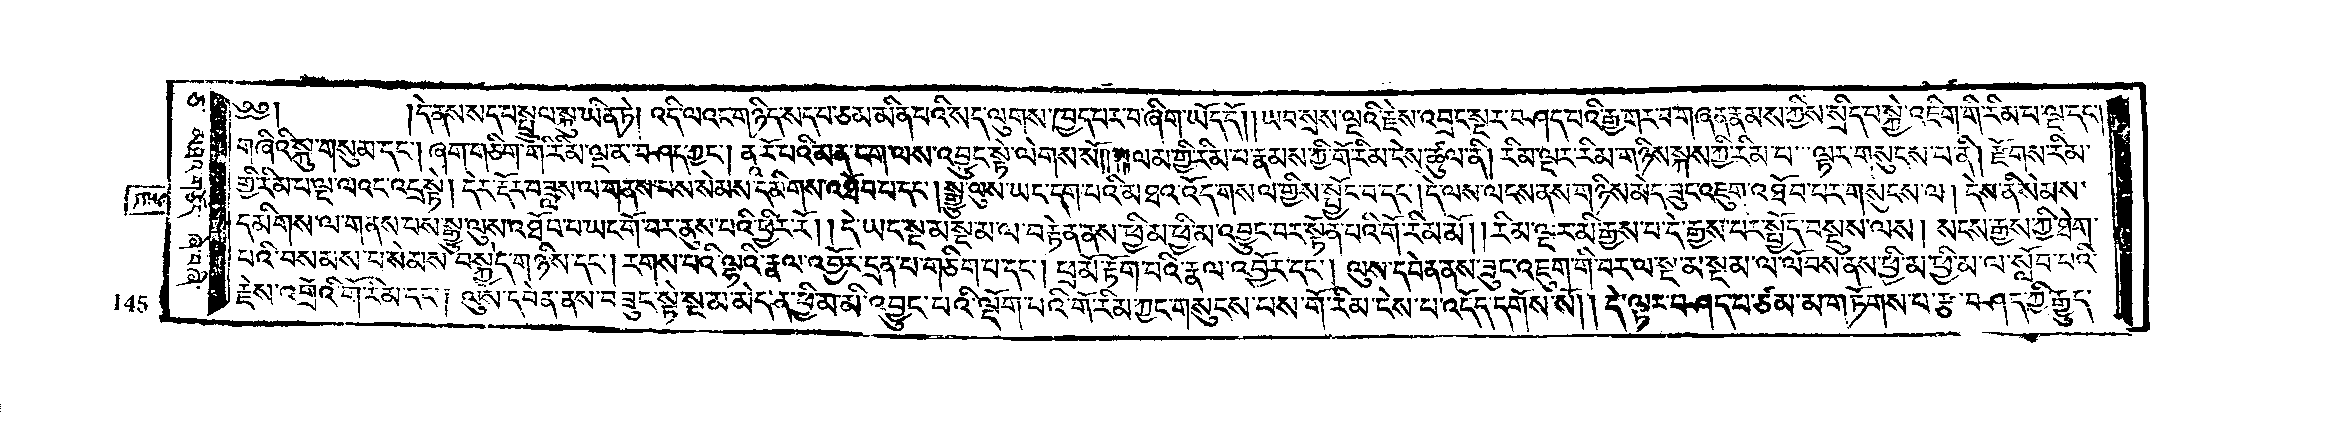༄༅། །དེ་ནས་སད་པ་སྤྲུལ་སྐུ་ཡིན་ཏེ། འདི་ལའང་གཉིད་སད་པ་ཙམ་མིན་པའི་སད་ལུགས་ཁྱད་པར་བ་ཞིག་ཡོད་དོ། །ཡབ་སྲས་ལྔའི་རྗེས་འབྲང་སྔར་བཤད་པའི་རྒྱ་གར་བ་གཞན་རྣམས་ཀྱིས་སྲིད་པ་སྐྱེ་འཇིག་གི་རིམ་པ་ལྔ་དང་།
གཞིའི་སྐུ་གསུམ་དང་། ཞག་གཅིག་གོ་རིམ་ལྔ་མ་བཤད་ཀྱང་། ནཱ་རོ་པའི་མན་ངག་ལས་འབྱུང་སྟེ་ལེགས་སོ།། ༈ །།ལམ་གྱི་རིམ་པ་རྣམས་ཀྱི་གོ་རིམ་ངེས་ཚུལ་ནི། རིམ་ལྔར་རིམ་གཉིས་སྐས་ཀྱི་རིམ་པ་ལྟར་གསུངས་པ་ནི། རྫོགས་རིམ་
གྱི་རིམ་པ་ལྔ་ལའང་འདྲ་སྟེ། དེར་རྡོར་བཟླས་ལ་གནས་པས་སེམས་དམིགས་འཐོབ་པ་དང་། སྒྱུ་ལུས་ཡང་དག་པའི་མཐའ་འོད་གསལ་གྱིས་སྦྱོང་བ་དང་། དེ་ལས་ལངས་ནས་གཉིས་མེད་ཟུང་འཇུག་འཐོབ་པར་གསུངས་ལ། དེས་ནི་སེམས་
དམིགས་ལ་གནས་པས་སྒྱུ་ལུས་འཐོབ་པ་ཡང་གོ་བར་ནུས་པའི་ཕྱིར་རོ། །དེ་ཡང་སྔ་མ་སྔ་མ་ལ་བརྟེན་ནས་ཕྱི་མ་ཕྱི་མ་འབྱུང་བར་སྟོན་པའི་གོ་རིམ་མོ། །རིམ་ལྔར་མི་རྒྱས་པ་དེ་རྒྱས་པར་སྤྱོད་བསྡུས་ལས། སངས་རྒྱས་ཀྱི་ཐེག་
པའི་བསམས་པ་སེམས་བསྐྱེད་གཉིས་དང་། རགས་པའི་ལྷའི་རྣལ་འབྱོར་དྲན་པ་གཅིག་པ་དང་། ཕྲ་མོ་རྟོག་པའི་རྣལ་འབྱོར་དང་། ལུས་དབེན་ནས་ཟུང་འཇུག་གི་བར་ལ་སྔ་མ་སྔ་མ་ལ་ལོབས་ནས་ཕྱི་མ་ཕྱི་མ་ལ་སློབ་པའི་
རྗེས་འགྲོའི་གོ་རིམ་དང་། ལུས་དབེན་ནས་བཟུང་སྟེ་སྔ་མ་མེད་ན་ཕྱི་མ་མི་འབྱུང་བའི་ལྡོག་པའི་གོ་རིམ་ཀྱང་གསུངས་པས་གོ་རིམ་ངེས་པ་འདོད་དགོས་སོ། །དེ་ལྟར་བཤད་པ་ཙམ་མ་གཏོགས་པ་རྩ་བཤད་ཀྱི་རྒྱུད་